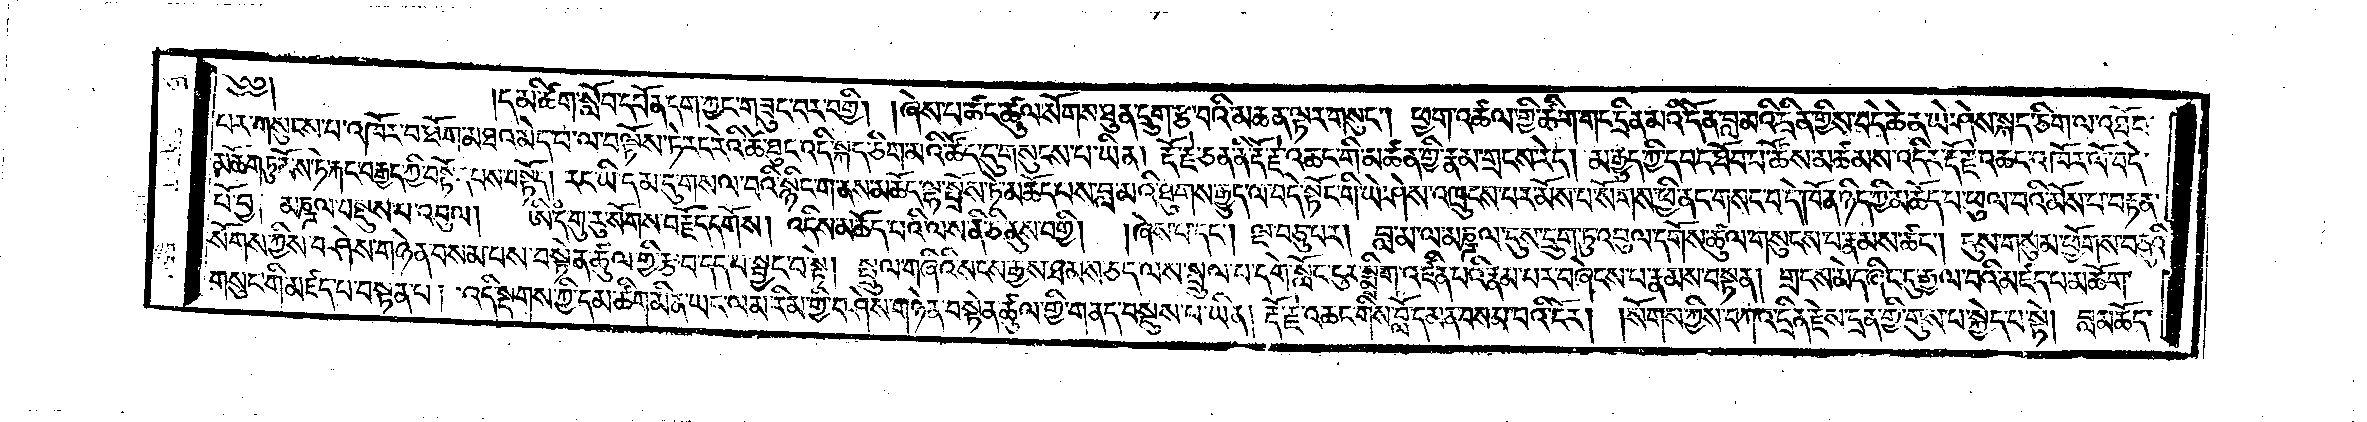༄༅། །དམ་ཚིག །སློབ་དཔོན་དག་ཀྱང་གཟུང་བར་བགྱི། །ཞེས་པ་ཚང་ཚུལ་སོགས་ཐུན་དྲུག་རྩ་བའི་མཆན་ལྟར་གསུང་། ཕྱག་འཚལ་གྱི་ཚིག་གང་དྲིན་མའི་དོན་བླ་མའི་དྲིན་གྱིས་བདེ་ཆེན་ཡེ་ཤེས་སྐད་ཅིག་ལ་འཐོབ་
པར་གསུངས་པ་འཁོར་བ་ཐོག་མཐའ་མེད་པ་ལ་བལྟོས་ཏེ་རང་རེའི་ཚེ་ཐུང་འདི་སྐད་ཅིག་མའི་ཚོར་དུ་གསུངས་པ་ཡིན། རྡོ་རྗེ་ཅན་ནི་རྡོ་རྗེ་འཆང་གི་མཚན་གྱི་རྣམ་གྲངས་རེད། མ་རྒྱུད་ཀྱི་དབང་ཐོབ་པ་ཚོས་མཚམས་འདིར་རྡོ་རྗེ་འཆང་འཁོར་ལོ་བདེ་
མཆོག་ཏུ་མོས་ཏེ་རྐང་བརྒྱད་ཀྱི་བསྟོད་པས་བསྟོད། རང་ཡི་དམ་དུ་གསལ་བའི་སྙིང་ག་ནས་མཆོད་ལྷ་སྤྲོས་ཏེ་མཆོད་པས་བླ་མའི་ཐུགས་རྒྱུད་ལ་བདེ་སྟོང་གི་ཡེ་ཤེས་འཁྲུངས་པར་མོས་པ་སོགས་ཕྱི་ནང་གསང་བ་དེ་ཁོ་ན་ཉིད་ཀྱི་མཆོད་པ་ཕུལ་བའི་མོས་པ་བརྟན་
པོ་བྱ། མཎྜལ་?་བསྡུས་པ་འབུལ། ཨི་དཾ་གུ་རུ་སོགས་བརྗོད་དགོས། འདིས་མཆོད་པའི་ལས་ནི་ཅི་ནུས་བགྱི། །ཞེས་པ་དང་། ལྔ་བཅུ་པར། བླ་མ་ལ་མཎྜལ་?་དུས་དྲུག་ཏུ་འབུལ་དགོས་ཚུལ་གསུངས་པ་རྣམས་ཚང་། དུས་གསུམ་ཕྱོགས་བཅུའི་
སོགས་ཀྱིས་བཤེས་གཉེན་བསམ་པས་བསྟེན་ཚུལ་གྱི་རྩ་བ་དད་པ་སྦྱང་པ་སྟེ། སྤྲུལ་གཞིའི་སངས་རྒྱས་ཐམས་ཅད་ལས་སྤྲུལ་པ་དགེ་སློང་ངུར་སྨྲིག་འཛིན་པའི་རྣམ་པར་བཞེངས་པ་རྣམས་བསྟན། གྲངས་མེད་ཞིང་དུ་རྒྱལ་བའི་མཛད་པ་མཆོག་
གསུང་གི་མཛད་པ་བསྟན་པ། འདི་སྔགས་ཀྱི་དམ་ཚིག་མིན་ཡང་ལམ་རིམ་གྱི་བཤེས་གཉེན་བསྟེན་ཚུལ་གྱི་གནད་བསྡུས་པ་ཡིན། རྡོ་རྗེ་འཆང་གིས་བློ་དམན་བསམ་པའི་ངོར། །སོགས་ཀྱིས་བཀའ་དྲིན་རྗེས་དྲན་གྱི་གུས་པ་སྐྱེད་པ་སྟེ། བླ་མཆོད་